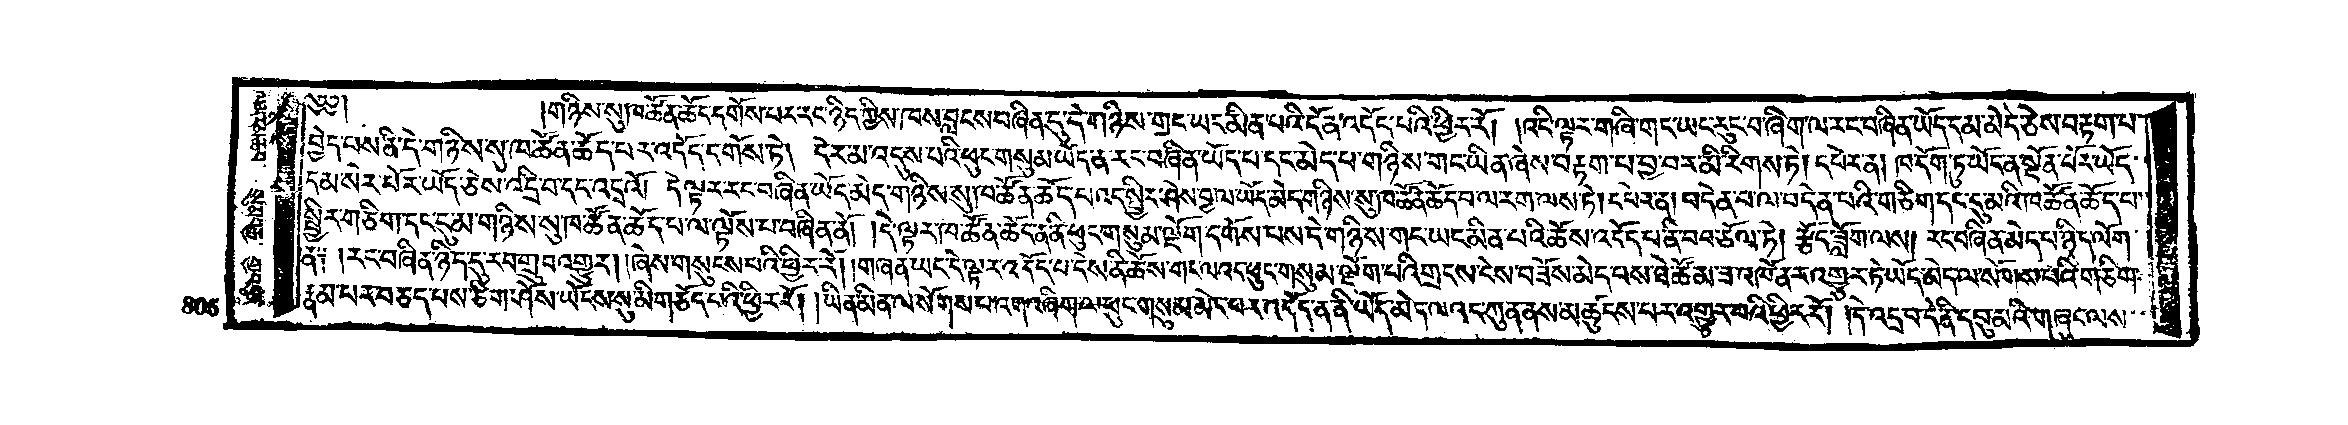༄༅། །གཉིས་སུ་ཁ་ཚོན་ཆོད་དགོས་པར་རང་ཉིད་ཀྱིས་ཁས་བླངས་བཞིན་དུ་དེ་གཉིས་གང་ཡང་མིན་པའི་དོན་འདོད་པའི་ཕྱིར་རོ། །འདི་ལྟར་གཞི་གང་ཡང་རུང་བ་ཞིག་ལ་རང་བཞིན་ཡོད་དམ་མེད་ཅེས་བརྟག་པ་
བྱེད་པས་ནི་དེ་གཉིས་སུ་ཁ་ཚོན་ཆོད་པར་འདོད་དགོས་ཏེ། དེར་མ་འདུས་པའི་ཕུང་གསུམ་ཡོད་ན་རང་བཞིན་ཡོད་པ་དང་མེད་པ་གཉིས་གང་ཡིན་ཞེས་བརྟག་པ་བྱ་བར་མི་རིགས་ཏེ། དཔེར་ན། ཁ་དོག་ཏུ་ཡོད་ན་སྔོན་པོར་ཡོད་
དམ་སེར་པོར་ཡོད་ཅེས་འདྲི་བ་དང་འདྲའོ། །དེ་ལྟར་རང་བཞིན་ཡོད་མེད་གཉིས་སུ་ཁ་ཚོན་ཆོད་པའང་སྤྱིར་ཤེས་བྱ་ལ་ཡོད་མེད་གཉིས་སུ་ཁ་ཚོན་ཆོད་པ་ལ་རག་ལས་ཏེ། དཔེར་ན། བདེན་པ་ལ་བདེན་པའི་གཅིག་དང་དུ་མའི་ཁ་ཚོན་ཆོད་པ་
སྤྱིར་གཅིག་དང་དུ་མ་གཉིས་སུ་ཁ་ཚོན་ཆོད་པ་ལ་ལྟོས་པ་བཞིན་ནོ། །དེ་ལྟར་ཁ་ཚོན་ཆོད་ན་ནི་ཕུང་གསུམ་ལྡོག་དགོས་པས་དེ་གཉིས་གང་ཡང་མིན་པའི་ཆོས་འདོད་པ་ནི་བབ་ཅོལ་ཏེ། རྩོད་ཟློག་ལས། རང་བཞིན་མེད་པ་ཉིད་ལོག་
ན༑ ༑རང་བཞིན་ཉིད་དུ་རབ་གྲུབ་འགྱུར། །ཞེས་གསུངས་པའི་ཕྱིར་རོ། །གཞན་ཡང་དེ་ལྟར་འདོད་པ་དེས་ནི་ཆོས་གང་ལའང་ཕུང་གསུམ་ལྡོག་པའི་གྲངས་ངེས་བཟོས་མེད་པས་ཐེ་ཚོམ་ཟ་བ་ཁོ་ནར་འགྱུར་ཏེ་ཡོད་མེད་ལ་སོགས་པའི་གཅིག་
རྣམ་པར་བཅད་པས་ཅིག་ཤོས་ཡོངས་སུ་མི་གཅོད་པའི་ཕྱིར་རོ། །ཡིན་མིན་ལ་སོགས་པ་འགའ་ཞིག་ལ་ཕུང་གསུམ་མེད་པར་འདོད་ན་ནི་ཡོད་མེད་ལའང་ཀུན་ནས་མཚུངས་པར་འགྱུར་བའི་ཕྱིར་རོ། །དེ་འདྲ་བ་དེ་ནི་དབུ་མའི་གཞུང་ལས་